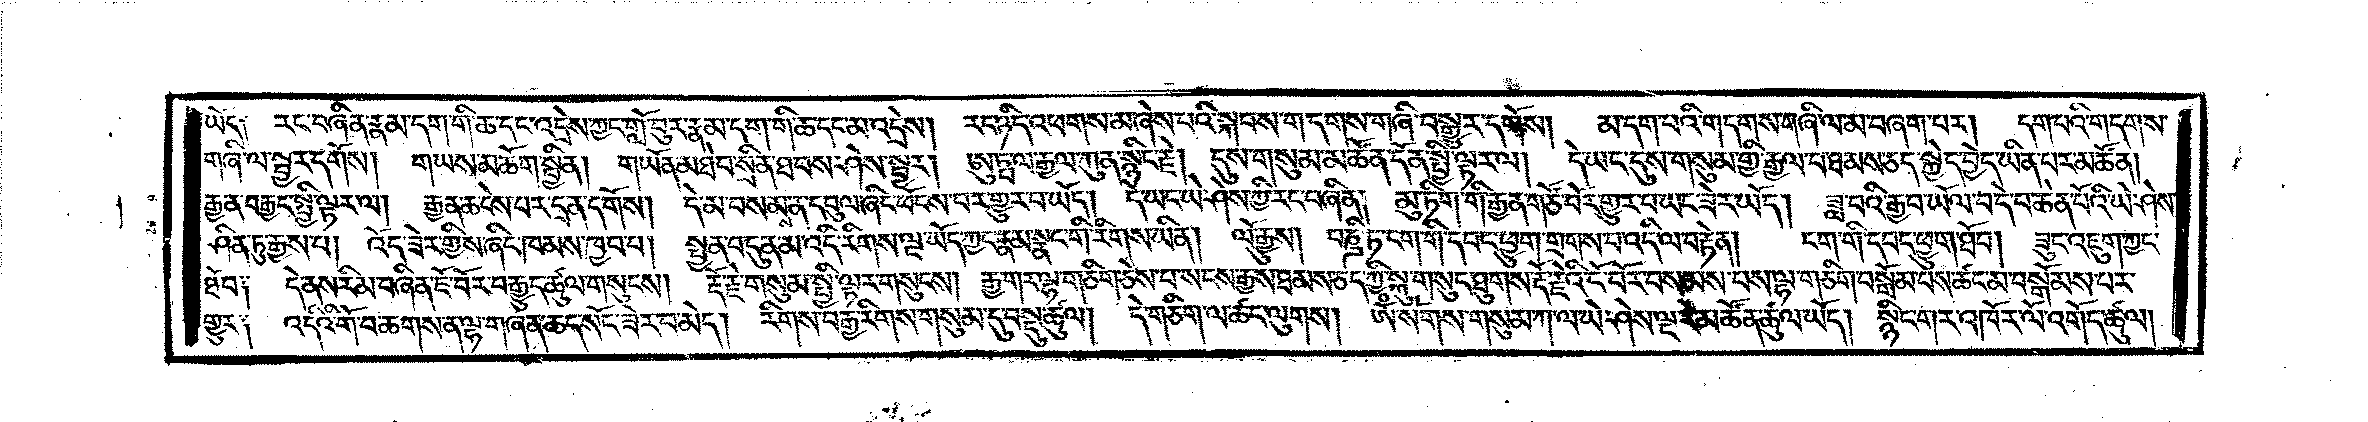ཡོད༑ རང་བཞིན་རྣམ་དག་གི་ཆ་དང་འདྲེས་ཀྱང་གློ་བུར་རྣམ་དག་གི་ཆ་དང་མ་འདྲེས། རང་ཉིད་འཕགས་མ་ཞེས་པའི་སྐབས་གདགས་གཞི་བསྒྱུར་དགོས། མ་དག་པའི་གདགས་གཞི་ལ་མ་བཞག་པར། དག་པའི་གདགས་
གཞི་ལ་སྦྱར་དགོས། གཡས་མཆོག་སྦྱིན། གཡོན་མཐེབ་སྲིན་ཐབས་ཤེས་སྦྱར། ཨུཏྤ་ལ་རྒྱལ་ཀུན་སྙིང་རྗེ། དུས་གསུམ་མཚོན་དོན་སྤྱི་ལྟར་ལ། དེ་ཡང་དུས་གསུམ་གྱི་རྒྱལ་བ་ཐམས་ཅད་སྐྱེད་བྱེད་ཡིན་པར་མཚོན།
རྒྱན་བརྒྱད་སྤྱི་ལྟར་ལ། རྒྱན་ཆ་ངེས་པར་དྲན་དགོས། དེ་མ་བསམས་ན་དབུལ་ཞིང་ཕོངས་པར་གྱུར་པ་ཡོད། དེ་ཡང་ཡེ་ཤེས་ཀྱི་རང་བཞིན། མུ་ཏིག་གི་རྒྱན་གཙོ་བོར་གྱུར་པ་ཡང་ཟེར་ཡོད། ཟླ་བའི་རྒྱ་བ་ཡོལ་བདེ་བ་ཆེན་པོའི་ཡེ་ཤེས་
ཤིན་ཏུ་རྒྱས་པ། འོད་ཟེར་གྱིས་ཞིང་ཁམས་ཁྱབ་པ། སྤྱན་བདུན་མ་འདི་རིགས་ལྔ་ཡོད་ཀྱང་རྣམ་སྣང་གི་རིགས་ཡིན། ལོ་རྒྱུས། པཎྜི་ཏ་ངག་གི་དབང་ཕྱུག་གྲགས་པ་འདི་ལ་བརྟེན། ངག་གི་དབང་ཕྱུག་ཐོབ། ཟུང་འཇུག་ཀྱང་
ཐོབ༑ དེ་ནས་རིམ་བཞིན་ཇོ་བོར་བརྒྱུད་ཚུལ་གསུངས། རྡོ་རྗེ་གསུམ་སྤྱི་ལྟར་གསུངས། རྒྱ་གར་ལྷ་གཅིག་ཅེས་པ་སངས་རྒྱས་ཐམས་ཅད་ཀྱི་སྐུ་གསུང་ཐུགས་རྡོ་རྗེའི་ངོ་བོར་བསམས་པས་ལྷ་གཅིག་བསྒོམ་པས་ཚང་མ་བསྒོམས་པར་
གྱུར༑ འདིའི་གོ་བ་ཆགས་ན་ལྷ་གཞན་ཆད་སོང་ཟེར་བ་མེད། རིགས་བརྒྱ་རིགས་གསུམ་དུ་བསྡུ་ཚུལ། དེ་གཅིག་ལ་ཚང་ལུགས། ཨོཾ་སོགས་གསུམ་ཀ་ལ་ཡེ་ཤེས་ལྔ་རེ་མཚོན་ཚུལ་ཡོད། སྙིང་གར་འཁོར་ལོ་འགོད་ཚུལ།